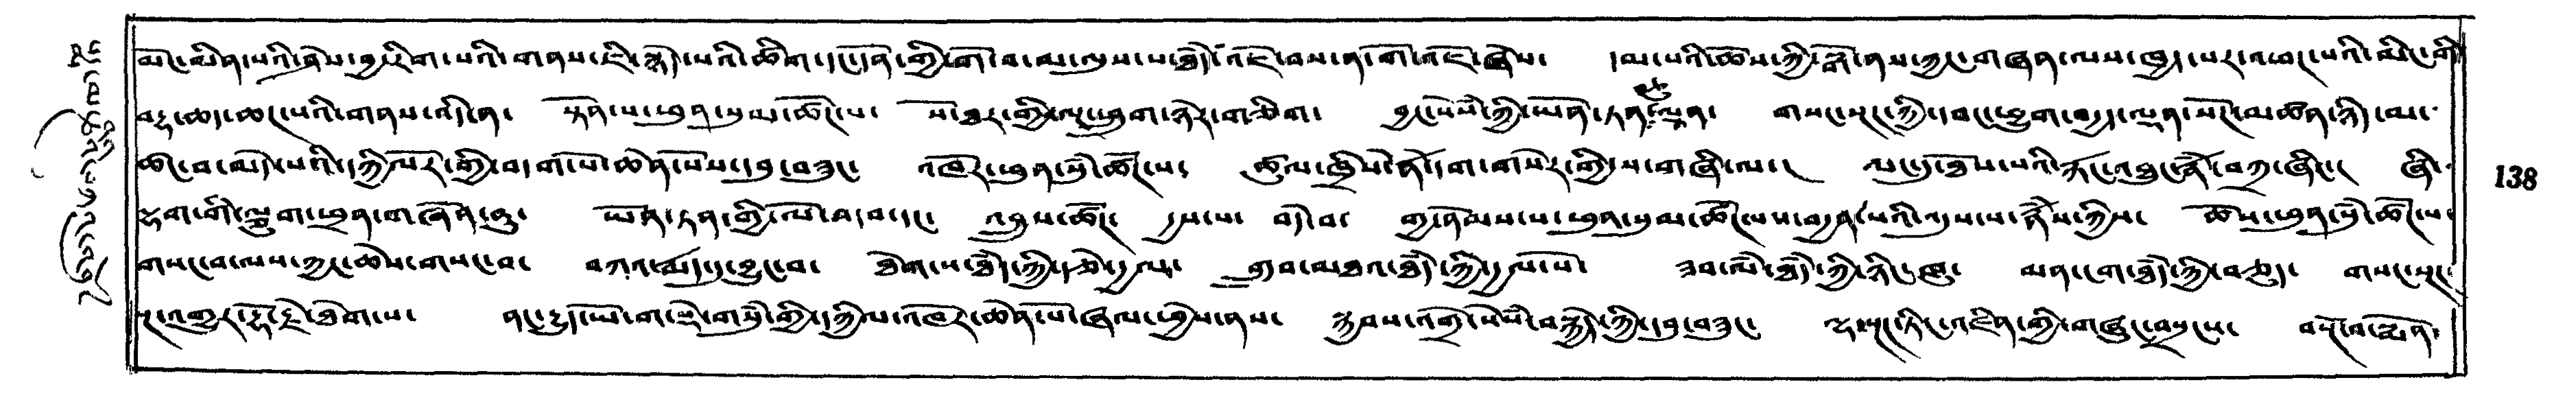མོང་མིན་པའི་ཤེས་བྱ་རིག་པའི་གནས་ཇི་སྙེད་པའི་ཚིག་དང་དོན་གྱི་གོ་བ་མ་ལུས་པ་ཐམས་ཅད་འཇོ་བས་ན་གོ་འཇོ་ཞེས། དམ་པའི་ཆོས་ཀྱིས་སྒོ་ནས་ཀྱང་གཞན་ལས་ཁྱད་པར་འཕགས་པའི་མིང་གི་
བརྡ་ཆད་ཆགས་པའི་གནས་འདི་ན། སྟོན་པ་ཕུན་སུམ་ཚོགས་པ་སོ་ཐར་གྱི་ལྔ་ཕྲུག་ཉེར་གཅིག བྱང་སེམས་ཀྱི་ཡོན་ཏན་བཅུ་ལྡན། གསང་སྔགས་ཀྱི་དབང་ཕྱུག་བརྒྱད་ལྡན་སོགས་མཚན་ཉིད་མ་
ཚང་བ་མེད་པའི་དཀྱིལ་འཁོར་གྱི་བདག་པོ་ཆེན་པོས་དབུ་བཟུང་། འཁོར་ཕུན་སུམ་ཚོགས་པ་ཚུལ་ཁྲིམས་རྣམ་དག་གསེར་གྱི་ས་གཞི་ལ། མང་དུ་ཐོས་པའི་རྐང་འཐུང་རྣམ་པར་བཀྲ་ཞིང་། ཞི་
ལྷག་གི་ལྕུག་ཕྲན་གཞོན་ནུ། ཡོན་ཏན་གྱི་ལོ་འདབ་དང་འབྲས་བུའི་ཚོགས་རྒྱས་པ།བདེ་བ་དང་། གྱ་ནོམ་པ་ཕུན་སུམ་ཚོགས་པས་བརྒྱན་པའི་འདུས་པ་རྣམས་ཀྱིས། ཆོས་ཕུན་སུམ་ཚོགས་པ་
གསང་བ་ལས་ཀྱང་ཆེས་གསང་བ། བཀའ་རྨད་དུ་བྱུང་བ། ཐེག་པ་ཐམས་ཅད་ཀྱི་རྩེ་རྒྱལ། གྲུབ་མཐའ་ཐམས་ཅད་ཀྱི་རྒྱལ་པོ། ཟབ་ལམ་ཐམས་ཅད་ཀྱི་ཉིང་ཁུ། མན་ངག་ཐམས་ཅད་ཀྱི་བཅུད། གསང་སྔགས་
སྔ་འགྱུར་རྡོ་རྗེ་ཐེག་པ། ནང་རྒྱུད་ཡོ་ག་སྡེ་གསུམ་གྱི་དཀྱིལ་འཁོར་ཆེན་པོ་ཞལ་ཕྱེས་ནས། སྐྱབས་འགྲོ་སེམས་བསྐྱེད་ཀྱིས་དབུ་བཟུང་། ལྷ་སྔགས་ཏིང་འཛིན་གྱིས་གཞུང་བསྲངས། བསྔོ་བ་སྨོན་